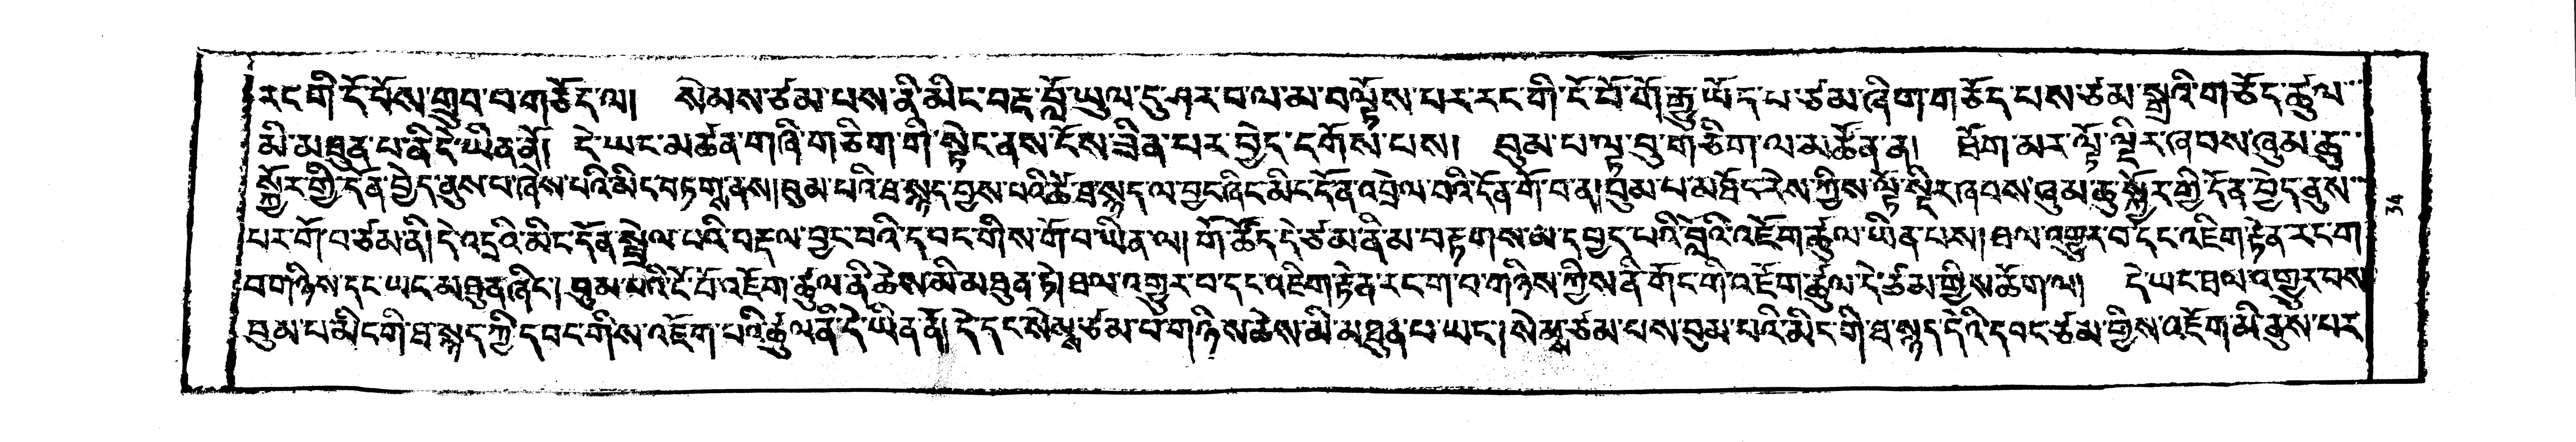རང་གི་ངོ་བོས་གྲུབ་བ་གཅོད་ལ། སེམས་ཙམ་པས་ནི་མིང་བརྔ་བློ་ཡུལ་དུ་ཤར་བ་ལ་མ་བལྟོས་པར་རང་གི་ངོ་བོ་གོ་རྒྱུ་ཡོད་པ་ཙམ་ཞིག་གཅོད་པས་ཙམ་སྒྲའི་གཅོད་ཚུལ་
མི་མཐུན་པ་ནི་དེ་ཡིན་ནོ། དེ་ཡང་མཚན་གཞི་གཅིག་གི་སྟེང་ནས་ངོས་ཟིན་པར་བྱེད་དགོས་པས། བུམ་པ་ལྟ་བུ་གཅིག་ལ་མཚོན་ན། ཐོག་མར་ལྟོ་ལྡིར་ཞབས་ཞུམ་ཆུ་
སྐྱོར་གྱི་དོན་བྱེད་ནུས་པ་ཞེས་པའི་མིང་བཏགས་ནས། བུམ་པའི་ཐ་སྙད་བྱས་པའི་ཚེ་ཐ་སྙད་ལ་བྱང་ཞིང་མིང་དོན་འབ་གི་ཐ་སྙད་ཀྱི་དབང་གིས་འཇོག་པའི་ཚུལ་ནི་དེ་ཡིན་
ནོ། དེ་དང་སེམས་ཙམ་པ་གཉིས་ཆེས་མི་མཐུན་པ་ཡང་། སེམས་ཙམ་པས་བུམ་པའི་མིང་གི་ཐ་སྙད་དེའི་དབང་ཙམ་གྱིས་འཇོག་མི་ནུས་པར་